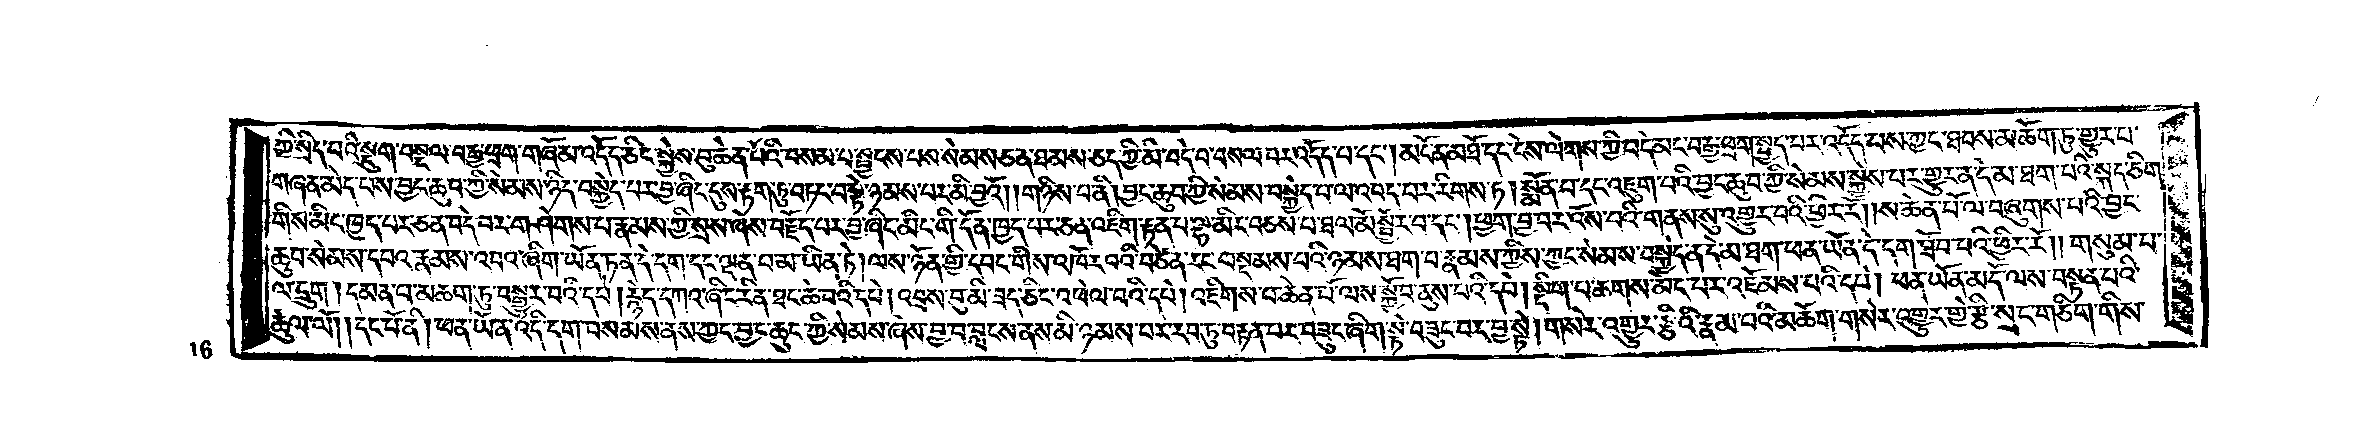ཀྱི་སྲིད་པའི་སྡུག་བསྔལ་བརྒྱ་ཕག་གཞོམ་འདོད་ཅིང་སྐྱེས་བུ་ཆེན་པོའི་བསམ་པ་སྦྱངས་པས་སེམས་ཅན་ཐམས་ཅད་ཀྱི་མི་བདེ་བས་བསལ་བར་འདོད་པ་དང་། མངོན་མཐོ་དང་ངེས་ལེགས་ཀྱི་བདེ་མང་བརྒྱ་ཕྲག་སྤྱད་པར་འདོད་པས་ཀྱང་ཐབས་མཆོག་ཏུ་གྱུར་པ་
གཞན་མེད་པས་བྱང་ཆུབ་ཀྱི་སེམས་ཉིད་བསྐྱེད་པར་བྱ་ཞིང་དུས་རྟག་ཏུ་བཏང་བ་སྟེ་ཉམས་པར་མི་བྱའོ། །གཉིས་པ་ནི། བྱང་ཆུབ་ཀྱི་སེམས་བསྐྱེད་པ་ལ་འབད་པར་རིགས་ཏེ། སྨོན་པ་དང་འཇུག་པའི་བྱང་ཆུབ་ཀྱི་སེམས་སྐྱེས་པར་གྱུར་ན་དེ་མ་ཐག་པའི་སྐད་ཅིག་
གིས་མིང་ཁྱད་པར་ཅན་བདེ་བར་གཤེགས་པ་རྣམས་ཀྱི་སྲས་ཞེས་བརྗོད་པར་བྱ་ཞིང་མིང་གི་དོན་ཁྱད་པར་ཅན་འཇིག་རྟེན་པ་ལྷ་མིར་བཅས་པ་ཐལ་མོ་སྦྱོར་བ་དང་། ཕྱག་བྱ་བར་འོས་པའི་གནས་སུ་འགྱུར་པའི་ཕྱིར་རོ། །ས་ཆེན་པོ་ལ་བཞུགས་པའི་བྱང་
ཆུབ་སེམས་དཔའ་རྣམས་འབའ་ཞིག་ཡོན་ཏན་དེ་དག་དང་ལྡན་པ་མ་ཡིན་ཏེ། ལས་ཉོན་གྱི་དབང་གིས་འཁོར་བའི་བཙེ་ན་རང་བསྡམས་པའི་ཉམས་ཐག་པ་རྣམས་ཀྱིས་ཀྱང་སེམས་བསྐྱེད་ན་དེ་མ་ཐག་ཕན་ཡོན་དེ་དག་ཐོབ་པའི་ཕྱིར་རོ། །གསུམ་པ་
ལ་དྲུག། དམན་པ་མཆོག་ཏུ་བསྒྱུར་པའི་དཔེ། རྙེད་དཀའ་ཞིང་རིན་ཐང་ཆེ་བའི་དཔེ། འབྲས་བུ་མི་ཟད་ཅིང་འཕེལ་བའི་དཔེ། འཇིགས་པ་ཆེན་པོ་ལས་སྐྱོབ་ནུས་པའི་དཔེ། སྡིག་པ་ཆགས་མེད་པར་འཇོམས་པའི་དཔེ། ཕན་ཡོན་མདོ་ལས་བསྟན་པའི་
ཚུལ་ལོ། །དང་པོ་ནི། ཕན་ཡོན་འདི་དག་བསམས་ནས་ཀྱང་བྱང་ཆུབ་ཀྱི་སེམས་ཞེས་བྱ་བ་བླངས་ནས་མི་ཉམས་པར་རབ་ཏུ་བརྟན་པར་བཟུང་ཞིག་སྟེ་བཟུང་བར་བྱ་སྟེ། གསེར་འགྱུར་རྩིའི་རྣམ་པའི་མཆོག་གསེར་འགྱུར་གྱི་རྩི་སྲང་གཅིག་གྱིས་